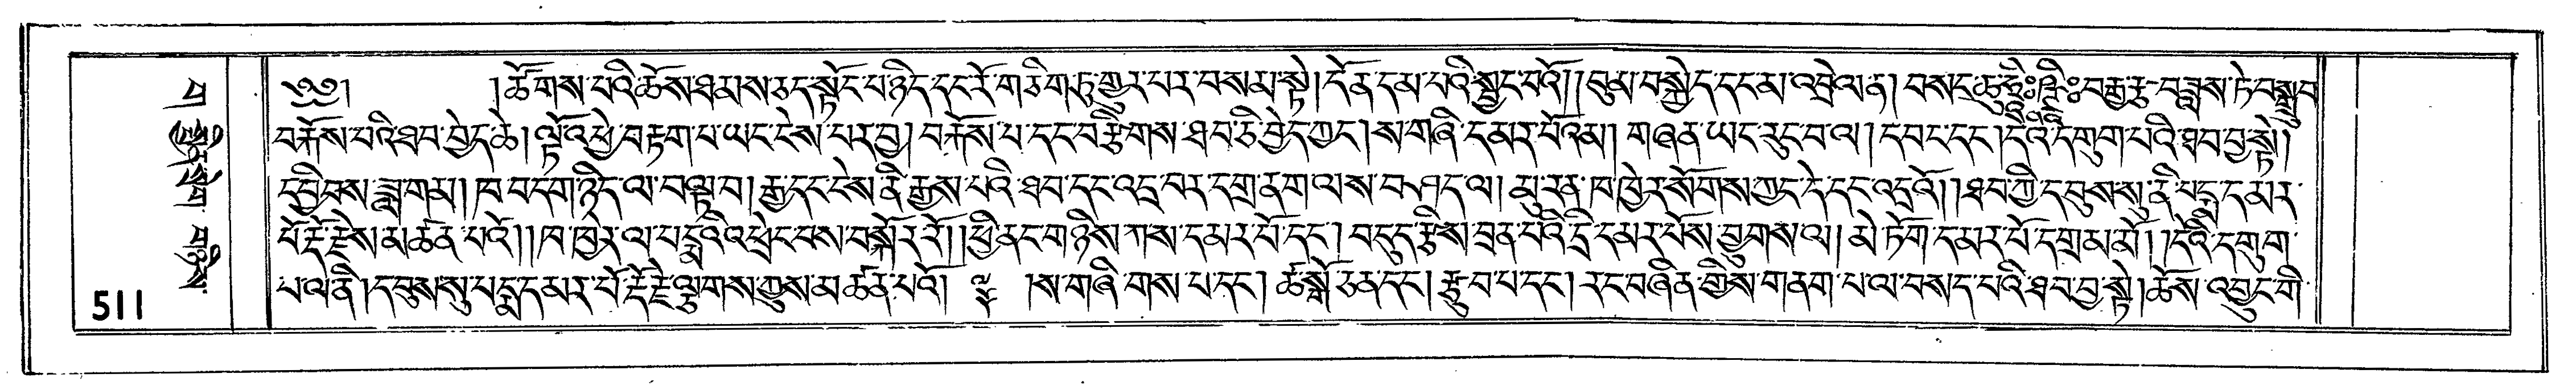༄༅། །ཚོགས་པའི་ཆོས་ཐམས་ཅད་སྟོང་པ་ཉིད་དང་རོ་གཅིག་ཏུ་གྱུར་པར་བསམ་སྟེ། དོན་དམ་པའི་སྦྱང་བའོ། །བུམ་བསྐྱེད་དང་མ་འབྲེལ་ན། བསང་ཆུ་ཧྲཱིཿ ཥྚྲཱིཿ བརྒྱ་རྩ་བཟླས་ཏེ་བསྒྲུབ་
བརྐོས་པའི་ཐབ་བྱེད་ཆེ། ལྟོ་འཕྱེ་བརྟག་པ་ཡང་ངེས་པར་བྱ། བརྐོས་པ་དང་བརྩིགས་ཐབ་ཅི་བྱེད་ཀྱང་། ས་གཞི་དམར་པོའམ། གཞན་ཡང་རུང་བ་ལ། དབང་དང་། དེའི་དགུག་པའི་ཐབ་བྱ་སྟེ།
དབྱིབས་ཟླ་གམ། ཁ་བདག་ཉིད་ལ་བལྟ་བ། རྒྱ་དང་ངེས་ནི་རྒྱས་པའི་ཐབ་དང་འདྲ་བར་དགྲ་ནག་ལས་བཤད་ལ། མུ་རན་ཁ་ཁྱེར་སོགས་ཀྱང་དེ་དང་འདྲའོ། །ཐབ་ཀྱི་དབུས་སུ་ནི་པདམ་དམར་
པོ་རྡོ་རྗེས་མཚན་པའོ། །ཁ་ཁྱེར་ལ་པདམའི་འཕྲེང་བས་བསྐོར་རོ། །ཕྱི་ནང་གཉིས་ཀ་ས་དམར་པོ་དང་། བདུད་རྩིས་བྲན་པའི་དྲི་དམར་པོས་བྱུགས་ལ། མེ་ཏོག་དམར་པོ་དགྲམ་མོ། །དེའི་དགུག་
པ་ལ་ནི། དབུས་སུ་པདམ་དམར་པོ་རྡོ་རྗེ་ལྕགས་ཀྱུས་མཚན་པའོ། ༈ །ས་གཞི་གས་པ་དང་། ཚ་སྒོ་ཅན་དང་། རྩུབ་པ་དང་། རང་བཞིན་གྱིས་གནག་པ་ལ་བསད་པའི་ཐབ་བྱ་སྟེ། ཆོས་འབྱུང་གི་